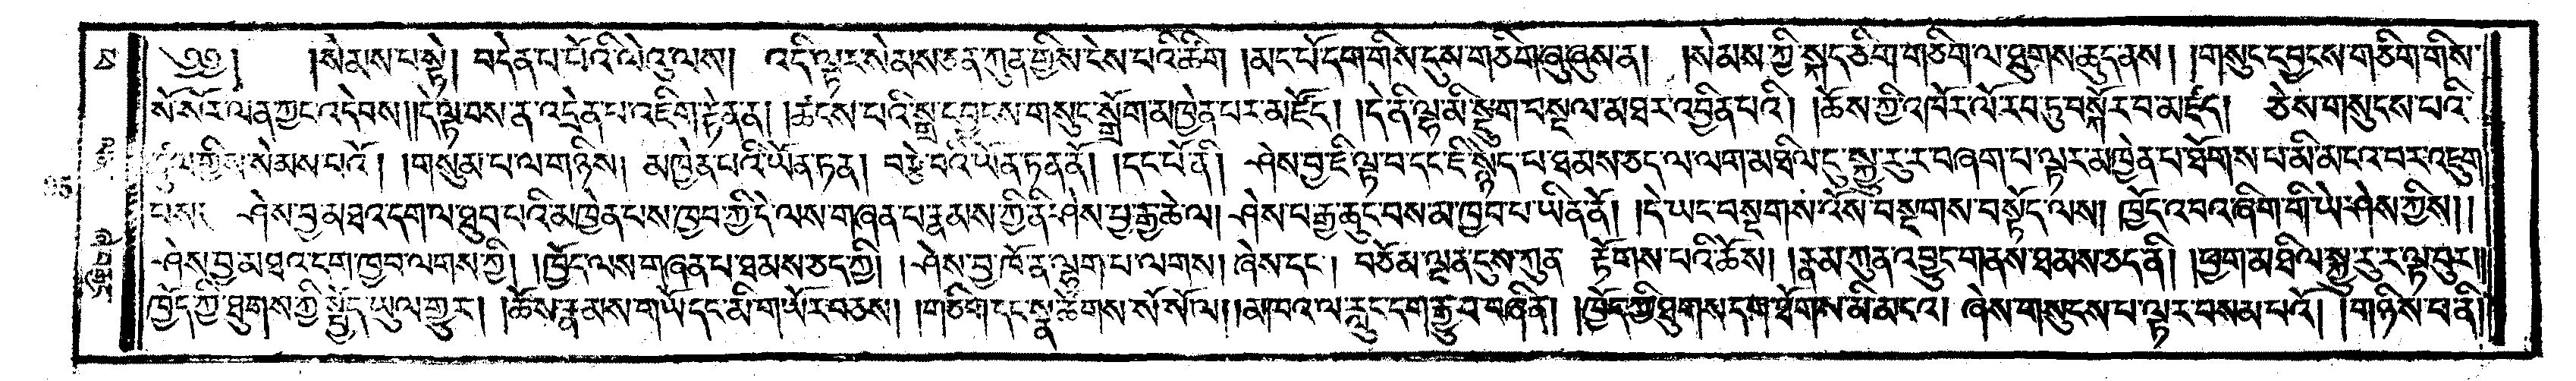༄༅། །སེམས་པ་སྟེ། བདེན་པ་པོའི་ལེའུ་ལས། འདི་ལྟར་སེམས་ཅན་ཀུན་གྱིས་ངེས་པའི་ཚིག །མང་པོ་དག་གིས་དུས་གཅིག་ཞུ་ཞུས་ན། །སེམས་ཀྱི་སྐད་ཅིག་གཅིག་ལ་ཐུགས་ཆུད་ནས། །གསུང་དབྱངས་གཅིག་གིས་
སོ་སོར་ལན་ཀྱང་འདེབས། །དེ་ལྟ་བས་ན་འདྲེན་པ་འཇིག་རྟེན་ན། །ཚངས་པའི་སྒྲ་དབྱངས་གསུང་སྒྲོག་མཁྱེན་པར་མཛོད། །དེ་ནི་ལྷ་མི་སྡུག་བསྔལ་མཐར་འབྱིན་པའི། །ཆོས་ཀྱི་འཁོར་ལོ་རབ་ཏུ་བསྐོར་བ་མཛད། ཅེས་གསུངས་པའི་
ཚུལ་གྱིས་སེམས་པའོ། །གསུམ་པ་ལ་གཉིས། མཁྱེན་པའི་ཡོན་ཏན། བརྩེ་བའི་ཡོན་ཏན་ནོ། །དང་པོ་ནི། ཤེས་བྱ་ཇི་ལྟར་བ་དང་ཇི་སྙེད་པ་ཐམས་ཅད་ལ་ལག་མཐིལ་དུ་སྐྱུ་རུ་ར་བཞག་པ་ལྟར་མཁྱེན་པ་ཐོགས་པ་མི་མངའ་བར་འཇུག་
པས༑ ཤེས་བྱ་མཐའ་དག་ལ་ཐུབ་པའི་མཁྱེན་པས་ཁྱབ་ཀྱི་དེ་ལས་གཞན་པ་རྣམས་ཀྱི་ནི་ཤེས་པྱ་རྒྱ་ཆེ་ལ། ཤེས་པ་རྒྱ་ཆུང་བས་མ་ཁྱབ་པ་ཡིན་ནོ། །དེ་ཡང་བསྔགས་འོས་བསྔགས་བསྟོད་ལས། ཁྱོད་འབའ་ཞིག་གི་ཡེ་ཤེས་ཀྱིས།།
ཤེས་བྱ་མཐའ་དག་ཁྱབ་ལགས་ཀྱི། །ཁྱོད་ལས་གཞན་པ་ཐམས་ཅད་ཀྱི། །ཤེས་བྱ་ཁོ་ན་ལྷག་པ་ལགས། ཞེས་དང་། བཅོམ་ལྡན་དུས་ཀུན་རྟོགས་པའི་ཆོས། །རྣམ་ཀུན་འབྱུང་གནས་ཐམས་ཅད་ནི། །ཕྱག་མཐིལ་སྐྱུ་རུ་ར་ལྟ་བུར།།
ཁྱོད་ཀྱི་ཐུགས་ཀྱི་སྤྱོད་ཡུལ་གྱུར། །ཆོས་རྣམས་གཡོ་དང་མི་གཡོར་བཅས། །གཅིག་དང་སྣ་ཚོགས་སོ་སོ་ལ། །མཁའ་ལ་རླུང་དག་རྒྱུ་བ་བཞིན། །ཁྱོད་ཀྱི་ཐུགས་དག་ཐོགས་མི་མངའ། ཞེས་གསུངས་པ་ལྟར་བསམ་པའོ། །གཉིས་པ་ནི།